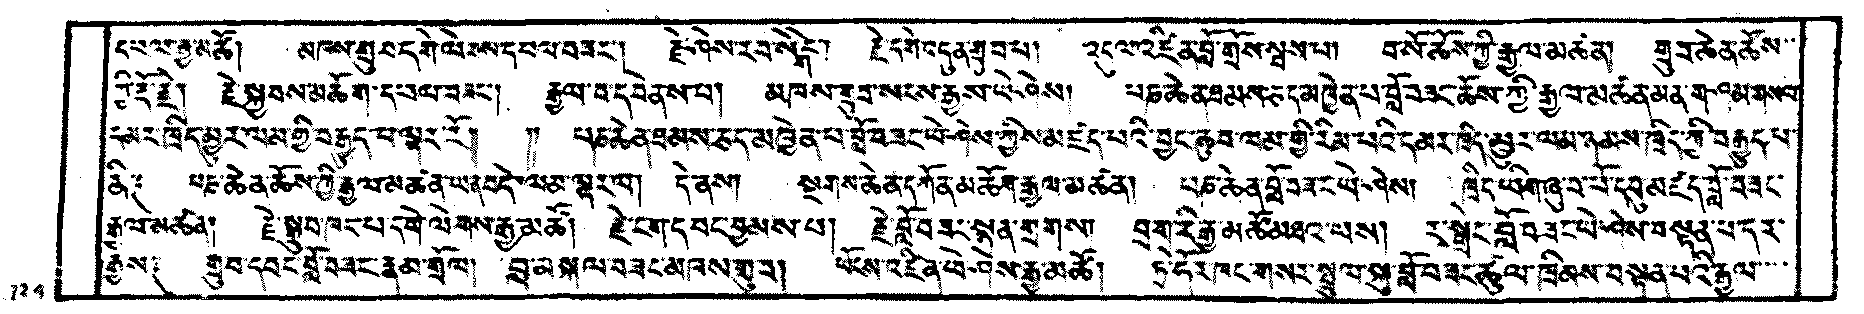དཔལ་རྒྱ་མཚོ། མཁས་གྲུབ་དགེ་ལེགས་དཔལ་བཟང་། རྗེ་ཤེས་རབ་སེངྒེ། རྗེ་དགེ་འདུན་གྲུབ་པ། འདུལ་འཛིན་བློ་གྲོས་སྤས་པ། བ་སོ་ཆོས་ཀྱི་རྒྱལ་མཚན། གྲུབ་ཆེན་ཆོས་
ཀྱི་རྡོ་རྗེ། རྗེ་སྐྱབས་མཆོག་དཔལ་བཟང་། རྒྱལ་བ་དབེན་ས་པ། མཁས་གྲུབ་སངས་རྒྱས་ཡེ་ཤེས། པཎ་ཆེན་ཐམས་ཅད་མཁྱེན་པ་བློ་བཟང་ཆོས་ཀྱི་རྒྱལ་མཚན་མན་གཤམ་གསལ་
དམར་ཁྲིད་མྱུར་ལམ་གྱི་བརྒྱུད་པ་ལྟར་རོ།། །།པཎ་ཆེན་ཐམས་ཅད་མཁྱེན་པ་བློ་བཟང་ཡེ་ཤེས་ཀྱིས་མཛད་པའི་བྱང་ཆུབ་ལམ་གྱི་རིམ་པའི་དམར་ཁྲིད་མྱུར་ལམ་ཉམས་ཁྲིད་ཀྱི་བརྒྱུད་པ་
ནི༑ པཎ་ཆེན་ཆོས་ཀྱི་རྒྱལ་མཚན་ཡན་བདེ་ལམ་ལྟར་ལ། དེ་ནས། སྔགས་ཆེན་དཀོན་མཆོག་རྒྱལ་མཚན། པཎ་ཆེན་བློ་བཟང་ཡེ་ཤེས། ཁྲིད་ཡིག་ཞུ་བ་པོ་དབུ་མཛད་བློ་བཟང་
རྒྱལ་མཚན། རྗེ་སྒྲུབ་ཁང་པ་དགེ་ལེགས་རྒྱ་མཚོ། རྗེ་ངག་དབང་བྱམས་པ། རྗེ་བློ་བཟང་སྙན་གྲགས། བྲག་རི་རྒྱ་མཚོ་མཐའ་ཡས། རྭ་སྒྲེང་བློ་བཟང་ཡེ་ཤེས་བསྟན་པ་དར་
རྒྱས༑ གྲུབ་དབང་བློ་བཟང་རྣམ་གྲོལ། བླ་མ་སྐལ་བཟང་མཁས་གྲུབ། ཡོངས་འཛིན་ཡེ་ཤེས་རྒྱ་མཚོ། ཏྲེ་ཧོར་ཁང་གསར་སྤྲུལ་སྐུ་བློ་བཟང་ཚུལ་ཁྲིམས་བསྟན་པའི་རྒྱལ་